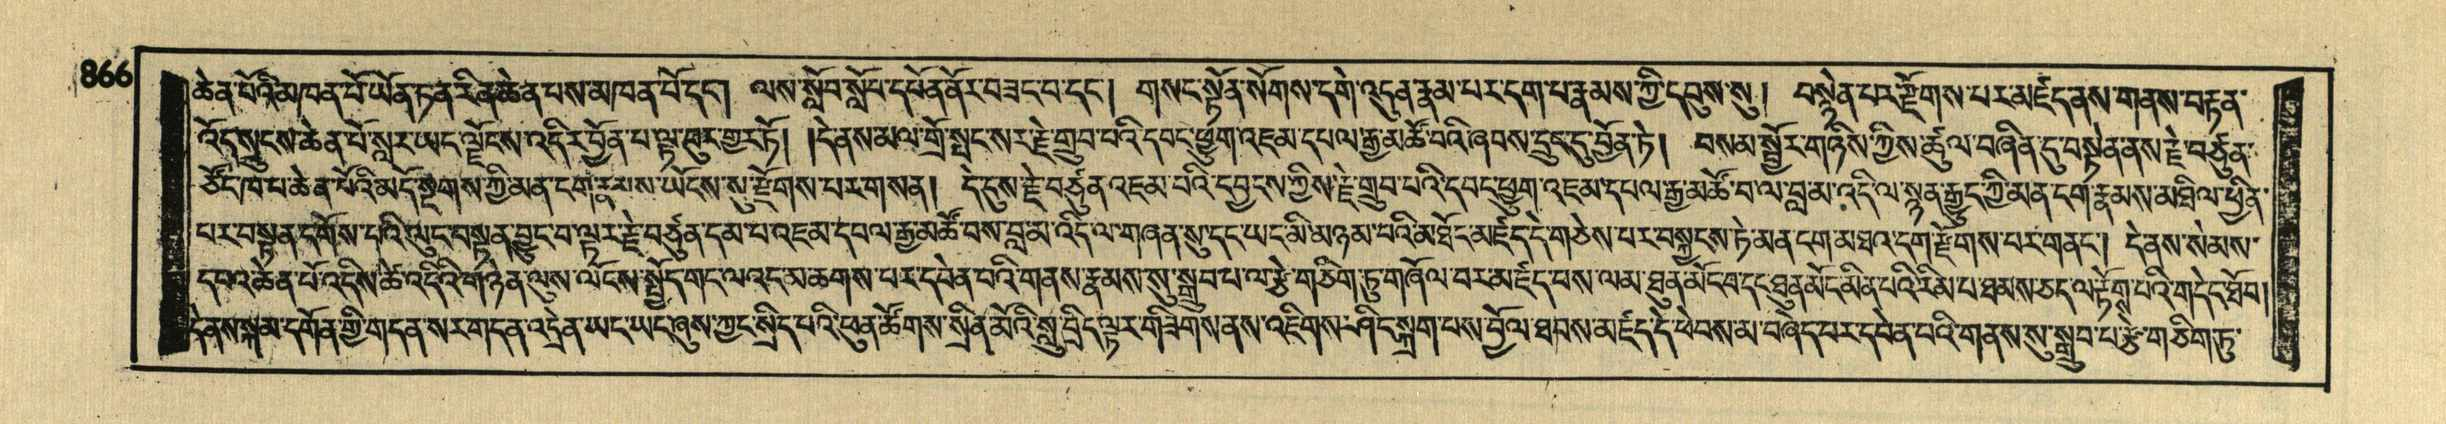ཆེན་པོའི་མཁན་པོ་ཡོན་ཏན་རིན་ཆེན་པས་མཁན་པོ་དང་། ལས་སློབ་སློབ་དཔོན་ནོར་བཟང་བ་དང་། གསང་སྟོན་སོགས་དགེ་འདུན་རྣམ་པར་དག་པ་རྣམས་ཀྱི་དབུས་སུ། བསྙེན་པར་རྫོགས་པར་མཛད་ནས་གནས་བརྟན་
འོད་སྲུངས་ཆེན་པོ་སླར་ཡང་ལྗོངས་འདིར་བྱོན་པ་ལྟ་བུར་གྱར་ཏོ། །དེ་ནས་མལ་གྲོ་སྤང་སར་རྗེ་གྲུབ་པའི་དབང་ཕྱུག་འཇམ་དཔལ་རྒྱ་མཚོ་བའི་ཞབས་དྲུང་དུ་བྱོན་ཏེ། བསམ་སྦྱོར་གཉིས་ཀྱིས་ཚུལ་བཞིན་དུ་བསྟེན་ནས་རྗེ་བཙུན་
ཙོང་ཁ་པ་ཆེན་པོའི་མདོ་སྔགས་ཀྱི་མན་ངག་རྣམས་ཡོངས་སུ་རྫོགས་པར་གསན། དེ་དུས་རྗེ་བཙུན་འཇམ་པའི་དབྱངས་ཀྱིས་རྗེ་གྲུབ་པའི་དབང་ཕྱུག་འཇམ་དཔལ་རྒྱ་མཚོ་བ་ལ་བླ་མ་འདི་ལ་སྙན་རྒྱུད་ཀྱི་མན་ངག་རྣམས་མཐིལ་ཕྱིན་
པར་བསྟན་དགོས་པའི་ལུང་བསྟན་བྱུང་བ་ལྟར་རྗེ་བཙུན་དམ་པ་འཇམ་དཔལ་རྒྱ་མཚོ་བས་བླ་མ་འདི་ལ་གཞན་སུ་དང་ཡང་མི་མཉམ་པའི་མཐོང་མཛད་དེ་གཅེས་པར་བསྐྱངས་ཏེ་མན་ངག་མཐའ་དག་རྫོགས་པར་གནང་། དེ་ནས་སེམས་
དཔའ་ཆེན་པོ་འདིས་ཚེ་འདིའི་གཉེན་ལུས་ལོངས་སྤྱོད་གང་ལའང་མ་ཆགས་པར་དབེན་བའི་གནས་རྣམས་སུ་སྒྲུབ་པ་ལ་རྩེ་གཅིག་ཏུ་གཞོལ་བར་མཛད་པས་ལམ་ཐུན་མོང་བ་དང་ཐུན་མོང་མིན་པའི་རིམ་པ་ཐམས་ཅད་ལ་རྟོགས་པའི་གདེང་ཐོབ།
དེ་ནས་སྐམ་དགོན་གྱི་གདན་སར་གདན་འདྲེན་ཡང་ཡང་ཞུས་ཀྱང་སྲིད་པའི་ཕུན་ཚོགས་སྲིན་མོའི་སླུ་བྲིད་ལྟར་གཟིགས་ནས་འཇིགས་ཤིང་སྐྲག་པས་བྱོལ་ཐབས་མཛད་དེ་ཕེབས་མ་བཞེད་པར་དབེན་བའི་གནས་སུ་སྒྲུབ་པ་རྩེ་གཅིག་ཏུ་